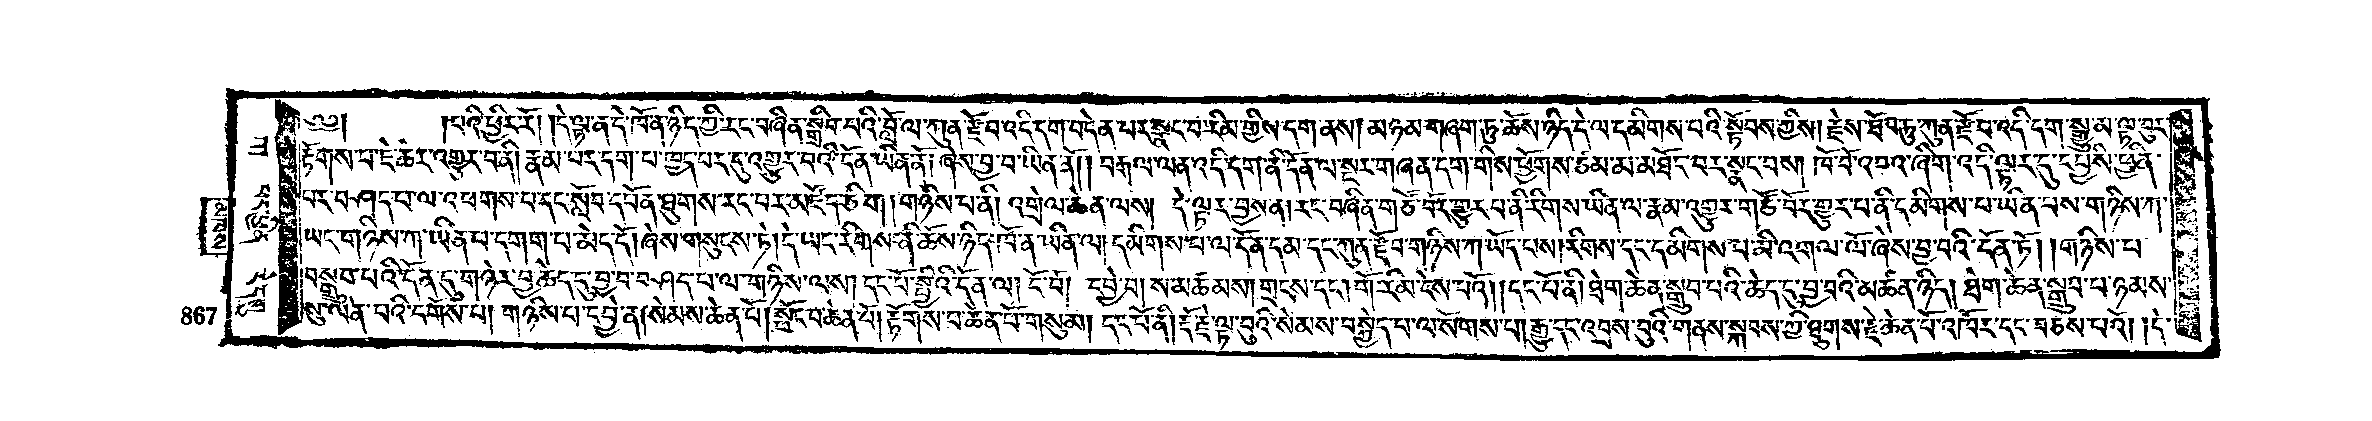༄༅། །པའི་ཕྱིར་རོ། །དེ་ལྟ་ན་དེ་ཁོ་ན་ཉིད་ཀྱི་རང་བཞིན་སྒྲིབ་པའི་བློ་ལ་ཀུན་རྫོབ་འདི་དག་བདེན་པར་སྣང་བ་རིམ་གྱིས་དག་ནས། མཉམ་གཞག་ཏུ་ཆོས་ཉིད་དེ་ལ་དམིགས་པའི་སྟོབས་ཀྱིས། རྗེས་ཐོབ་ཏུ་ཀུན་རྫོབ་འདི་དག་སྒྱུ་མ་ལྟ་བུར་
རྟོགས་པ་ཇེ་ཆེར་འགྱུར་བ་ནི། རྣམ་པར་དག་པ་ཁྱད་པར་དུ་འགྱུར་བའི་དོན་ཡིན་ནོ། ཞེས་བྱ་བ་ཡིན་ནོ། །བརྒལ་ལན་འདི་དག་ནི་དོན་ལ་སྔར་གཞན་དག་གིས་ཕྱོགས་ཙམ་མ་མཐོང་བར་སྣང་བས། ཁོ་བོ་འབའ་ཞིག་འདི་ལྟར་དུ་དཔྱིས་ཕྱིན་
པར་བཤད་པ་ལ་འཕགས་པ་དང་སློབ་དཔོན་ཐུགས་རང་པར་མཛོད་ཅིག། གཉིས་པ་ནི། འགྲེལ་ཆེན་ལས། དེ་ལྟར་བྱས་ན། རང་བཞིན་གཙོ་བོར་གྱུར་པ་ནི་རིགས་ཡིན་ལ་རྣམ་འགྱུར་གཙོ་བོར་གྱུར་པ་ནི་དམིགས་པ་ཡིན་པས་གཉིས་ཀ་
ཡང་གཉིས་ཀ་ཡིན་པ་དགག་པ་མེད་དོ། ཞེས་གསུངས་ཏེ། དེ་ཡང་རིགས་ནི་ཆོས་ཉིད་ཁོ་ན་ཡིན་ལ། དམིགས་པ་ལ་དོན་དམ་དང་ཀུན་རྫོབ་གཉིས་ཀ་ཡོད་པས། རིགས་དང་དམིགས་པ་མི་འགལ་ལོ་ཞེས་བྱ་བའི་དོན་ཏོ། །གཉིས་པ་
བསྒྲུབ་པའི་དོན་དུ་གཉེར་བྱ་ཆེད་དུ་བྱ་བ་བཤད་པ་ལ་གཉིས་ལས། དང་པོ་སྤྱིའི་དོན་ལ། ངོ་བོ། དབྱེ་བ། ས་མཚམས། གྲངས་དང་། གོ་རིམ་ངེས་པའོ། །དང་པོ་ནི། ཐེག་ཆེན་སྒྲུབ་པའི་ཆེད་དུ་བྱ་བའི་མཚན་ཉིད། ཐེག་ཆེན་སྒྲུབ་པ་ཉམས་
སུ་ལེན་པའི་དགོས་པ། གཉིས་པ་དབྱེ་ན། སེམས་ཆེན་པོ། སྤོང་བ་ཆེན་པོ། རྟོགས་པ་ཆེན་པོ་གསུམ། དང་པོ་ནི། རྡོ་རྗེ་ལྟ་བུའི་སེམས་བསྐྱེད་པ་ལ་སོགས་པ། རྒྱུ་དང་འབྲས་བུའི་གནས་སྐབས་ཀྱི་ཐུགས་རྗེ་ཆེན་པོ་འཁོར་དང་བཅས་པའོ། །དེ་